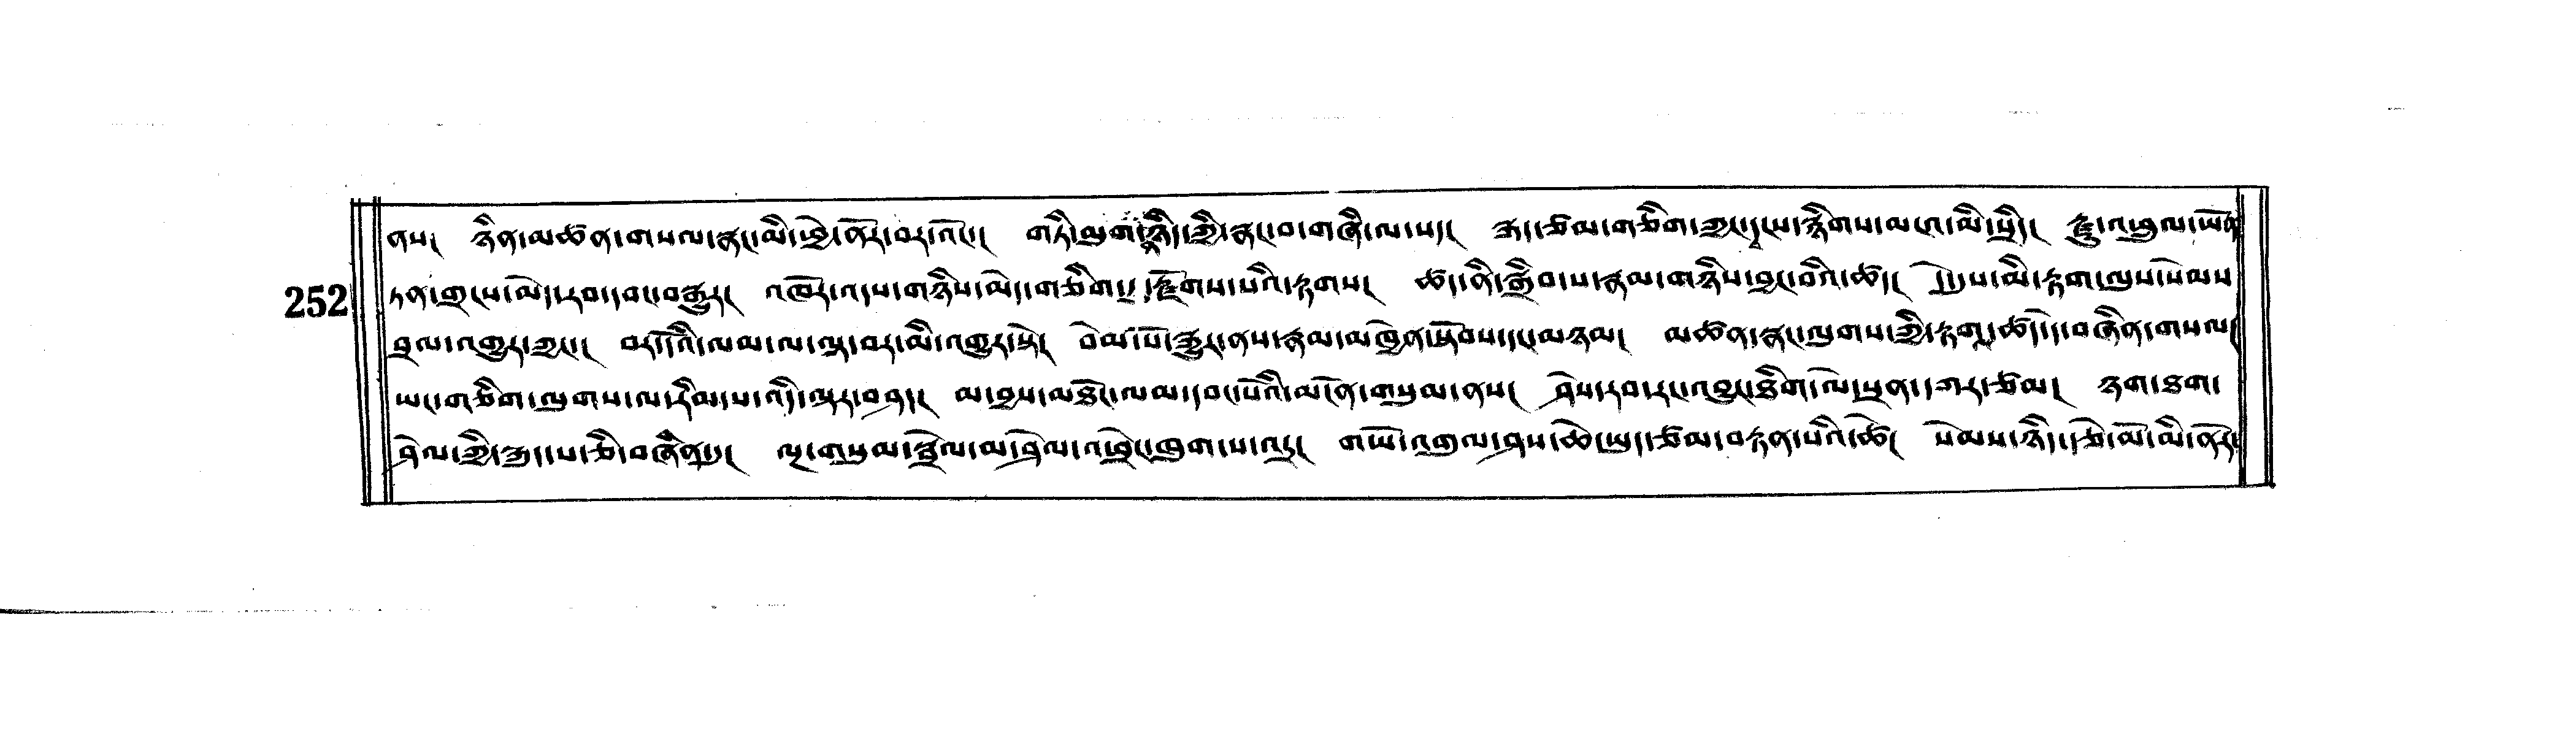ནས། ཉིན་མཚན་གསལ་སྣང་མི་ཕྱེ་ནོར་བར་འོང་། གཏི་མུག་གཉིད་ཀྱི་སྣང་བ་གཞི་ལ་སད། སྐད་ཙམ་གཅིག་ཀྱང་དངས་སྙིགས་མངའ་མི་སྲིད། རྫུ་འཕྲུལ་ཡོན་
ཏན་གྲངས་མེད་རབ་དབང་བསྒྱུར། འཁོར་འདས་གཉིས་མེད་གཅིག་ཏུ་རྫོགས་པའི་རྟགས། ཚད་ནི་སྒྲིབ་པ་རྣམ་གཉིས་བྱང་བའི་ཚད། དེ་དུས་མི་རྟག་ལུས་སེམས་
བྲལ་འགྱུར་ཀྱང་། བར་དོའི་ལམ་ལ་ལྟ་བར་མི་འགྱུར་ཏེ། བེམ་པོ་བསྐྱུར་ནས་རྣམ་མཁྱེན་སྟོབས་དང་མཉམ། མཚན་སྣང་ལུགས་ཀྱི་རྟགས་ཚད་དེ་བཞིན་གསལ། 
ཡང་གཅིག་ལུགས་ལ་རིམ་པ་འདི་ལྟར་བཤད། མ་བྱས་མཐོང་ལམ་དབང་པོའི་མངོན་སུམ་ནས། ཤེས་རབ་རང་འབྱུང་ཐིག་ལེ་སྲན་དཀར་ཙམ། ཉག་ཐག་
ཤེལ་གྱི་སྐུད་པ་ཅི་བཞིན་དུ། ལྔ་གསུམ་སྦྲེལ་མ་ཤེལ་ཕྲེང་གུག་པ་འདྲ། གཡོ་འགུལ་ཤས་ཆེ་ཡུད་ཙམ་བརྟན་པའི་ཚེ། སེམས་ཉིོད་རྩེ་མོ་མི་ནོར་